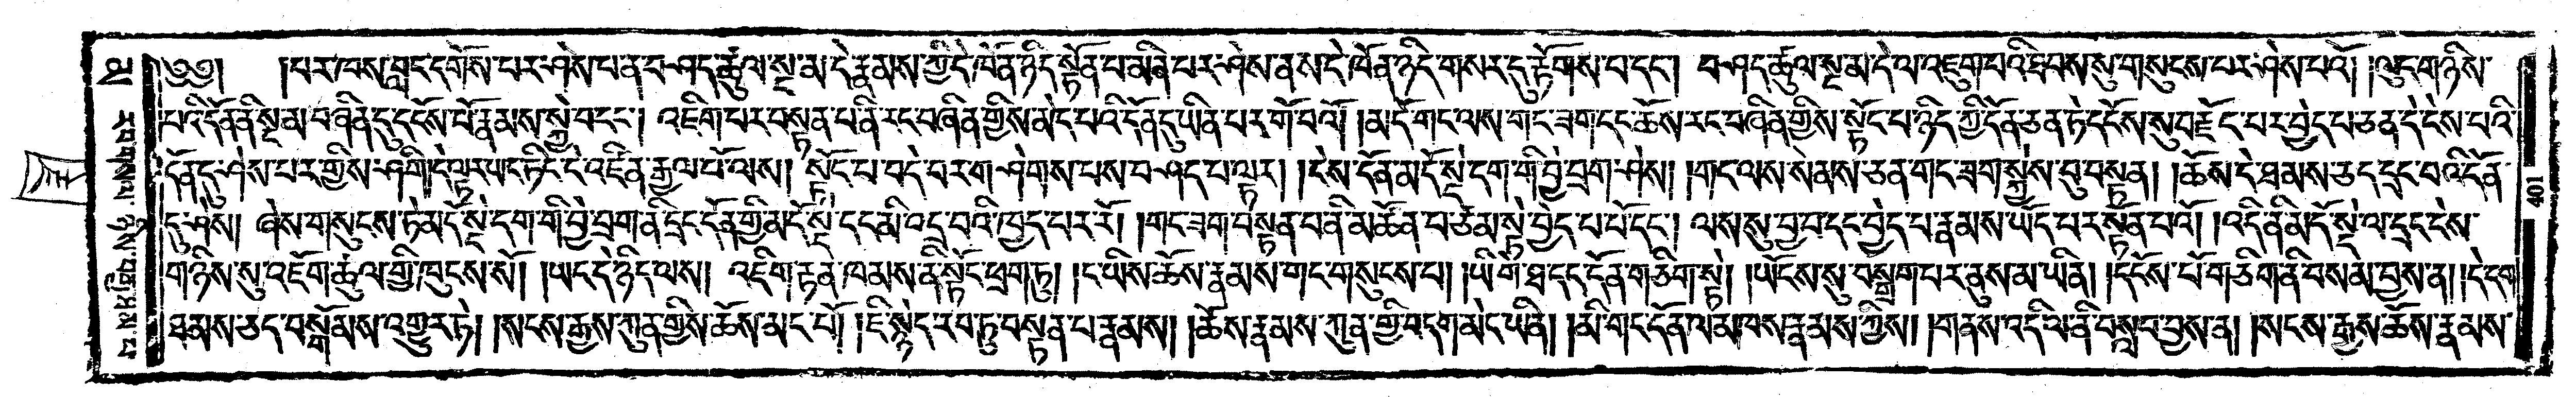༄༅། །པར་ཁས་བླང་དགོས་པར་ཤེས་པ་ན་བཤད་ཚུལ་སྔ་མ་དེ་རྣམས་ཀྱི་དེ་ཁོ་ན་ཉིད་སྟོན་པ་མིན་པར་ཤེས་ནས་དེ་ཁོ་ན་ཉིད་གསར་དུ་རྟོགས་པ་དང་། བཤད་ཚུལ་སྔ་མ་དེ་ལ་འཇུག་པའི་ཐབས་སུ་གསུངས་པར་ཤེས་པའོ། །ལུང་གཉིས་
པའི་དོན་ནི་སྔ་མ་བཞིན་དུ་དངོས་པོ་རྣམས་སྐྱེ་བ་དང་། འཇིག་པར་བསྟན་པ་ནི་རང་བཞིན་གྱིས་མེད་པའི་དོན་དུ་ཡིན་པར་གོ་བའོ། །མདོ་གང་ལས་གང་ཟག་དང་ཆོས་རང་བཞིན་གྱིས་སྟོང་པ་ཉིད་ཀྱི་དོན་ཅན་ཏེ་དངོས་སུ་བརྗོད་པར་བྱེད་པ་ཅན་དེ་ངེས་པའི་
དོན་དུ་ཤེས་པར་གྱིས་ཤིག །དེ་ལྟར་ཡང་ཏིང་ངེ་འཛིན་རྒྱལ་པོ་ལས། སྟོང་པ་བདེ་བར་གཤེགས་པས་བཤད་པ་ལྟར། །ངེས་དོན་མདོ་སྡེ་དག་གི་བྱེ་བྲག་ཤེས། །གང་ལས་སེམས་ཅན་གང་ཟག་སྐྱེས་བུ་བསྟན། །ཆོས་དེ་ཐམས་ཅད་དྲང་བའི་དོན་
དུ་ཤེས། ཞེས་གསུངས་ཏེ་མདོ་སྡེ་དག་གི་བྱེ་བྲག་ནི་དྲང་དོན་གྱི་མདོ་སྡེ་དང་མི་འདྲ་བའི་ཁྱད་པར་རོ། །གང་ཟག་བསྟན་པ་ནི་མཚོན་པ་ཙམ་སྟེ་བྱེད་པ་པོ་དང་། ལས་སུ་བྱ་བ་དང་བྱེད་པ་རྣམས་ཡོད་པར་སྟོན་པའོ། །འདི་ནི་མདོ་སྡེ་ལ་དྲང་ངེས་
གཉིས་སུ་འཇོག་ཚུལ་གྱི་ཁུངས་སོ། །ཡང་དེ་ཉིད་ལས། འཇིག་རྟེན་ཁམས་ནི་སྟོང་ཕྲག་ཏུ། །ང་ཡིས་ཆོས་རྣམས་གང་གསུངས་པ། །ཡི་གེ་ཐ་དད་དོན་གཅིག་སྟེ། །ཡོངས་སུ་བསྒྲག་པར་ནུས་མ་ཡིན། །དངོས་པོ་གཅིག་ནི་བསམ་བྱས་ན། །དེ་དག་
ཐམས་ཅད་བསྒོམས་འགྱུར་ཏེ། །སངས་རྒྱས་ཀུན་གྱིས་ཆོས་མང་པོ། །ཇི་སྙེད་རབ་ཏུ་བསྟན་པ་རྣམས། །ཆོས་རྣམས་ཀུན་གྱི་བདག་མེད་ཡིན། །མི་གང་དོན་ལ་མཁས་རྣམས་ཀྱིས། །གནས་འདི་ལ་ནི་བསླབ་བྱས་ན། །སངས་རྒྱས་ཆོས་རྣམས་